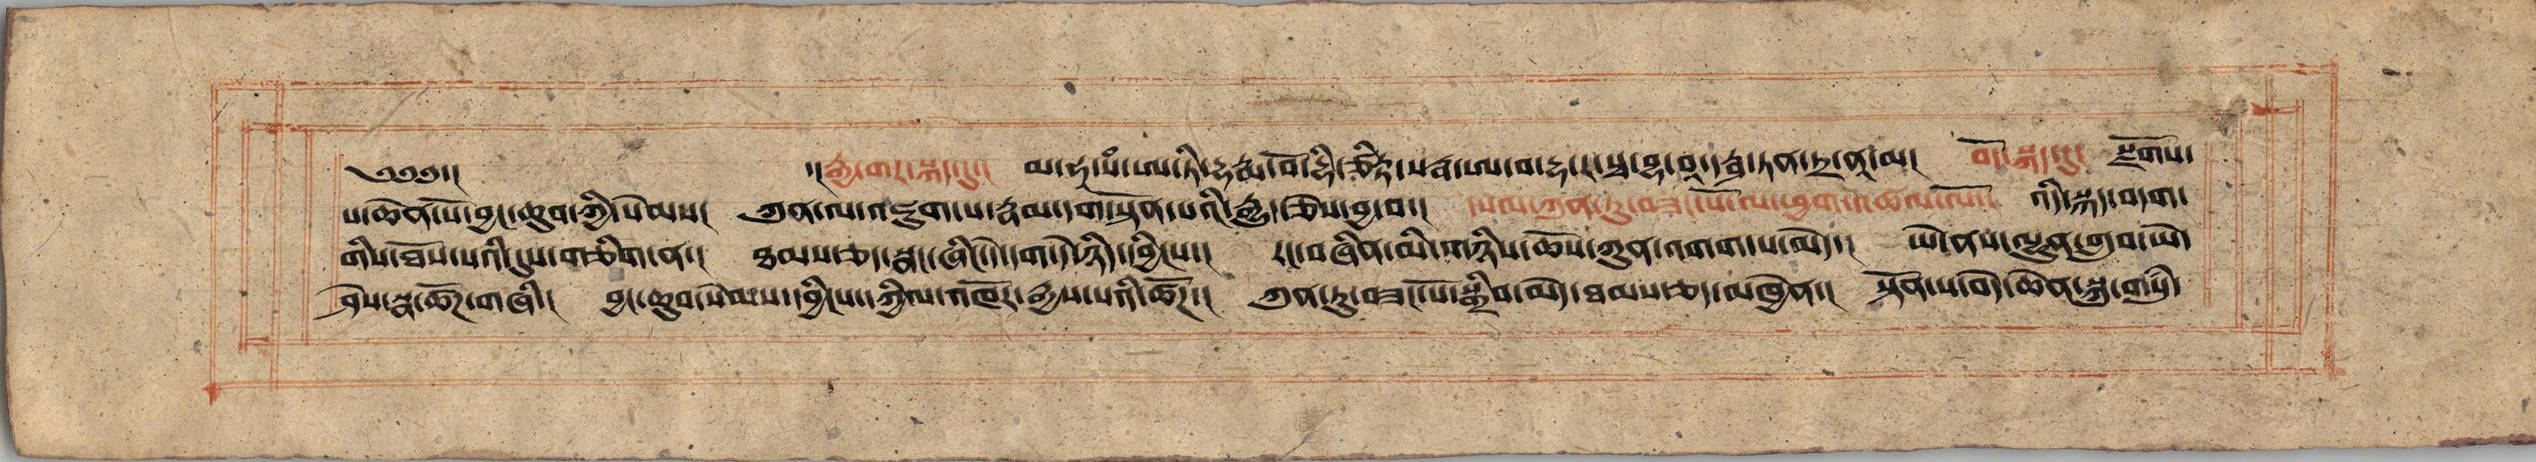༄༅༅་། ་།རྒྱ་གར་སྐད་དུ་། མ་ཧ་སཾ་ཨ་ཏི་དྷརྨ་བོ་དྷི་ཙིཏྟ་སརྦ་ཨ་བ་དྷ་ར་སྭ་བྷ་བཱ་དརྴ་ཏན་ཏྲ་ནཱ་མ། བོད་སྐད་དུ། སྫོགས་
པ་ཆེན་པོ་བྱང་ཆུབ་ཀྱི་སེམས། ཀུན་ལ་འཇུག་པ་རྣམ་དག་སྟོན་པའི་རྒྱུད་ཅེས་བྱ་བ་། དཔལ་ཀུན་ཏུ་བཟང་པོ་ལ་ཕྱག་འཚལ་ལོ་། འདི་སྐད་བདག་
གིས་ཐོས་པའི་དུས་གཅིག་ན་། ཐམས་ཅད་སྣང་ཞིང་དེ་དག་དེ་ཉིད་དབྱིངས་། རང་བཞིན་མི་གཉིས་ཆོས་ཀུན་འགག་པ་མེད་། ཡེ་ནས་ལྷུན་གྲུབ་ཡེ་
ཤེས་སྣ་ཚོཌ་གཞི་། བྱང་ཆུབ་སེམས་དབྱིངས་དཀྱིལ་འཁོར་རྒྱས་པའི་ཚོཌ་། ཀུན་ཏུ་བཟང་པོ་སྒྲིབ་མེད་ཐམས་ཅད་མཁྱེན་། སྟོན་པ་བདེ་ཆེན་སྐུ་གསུཾ་